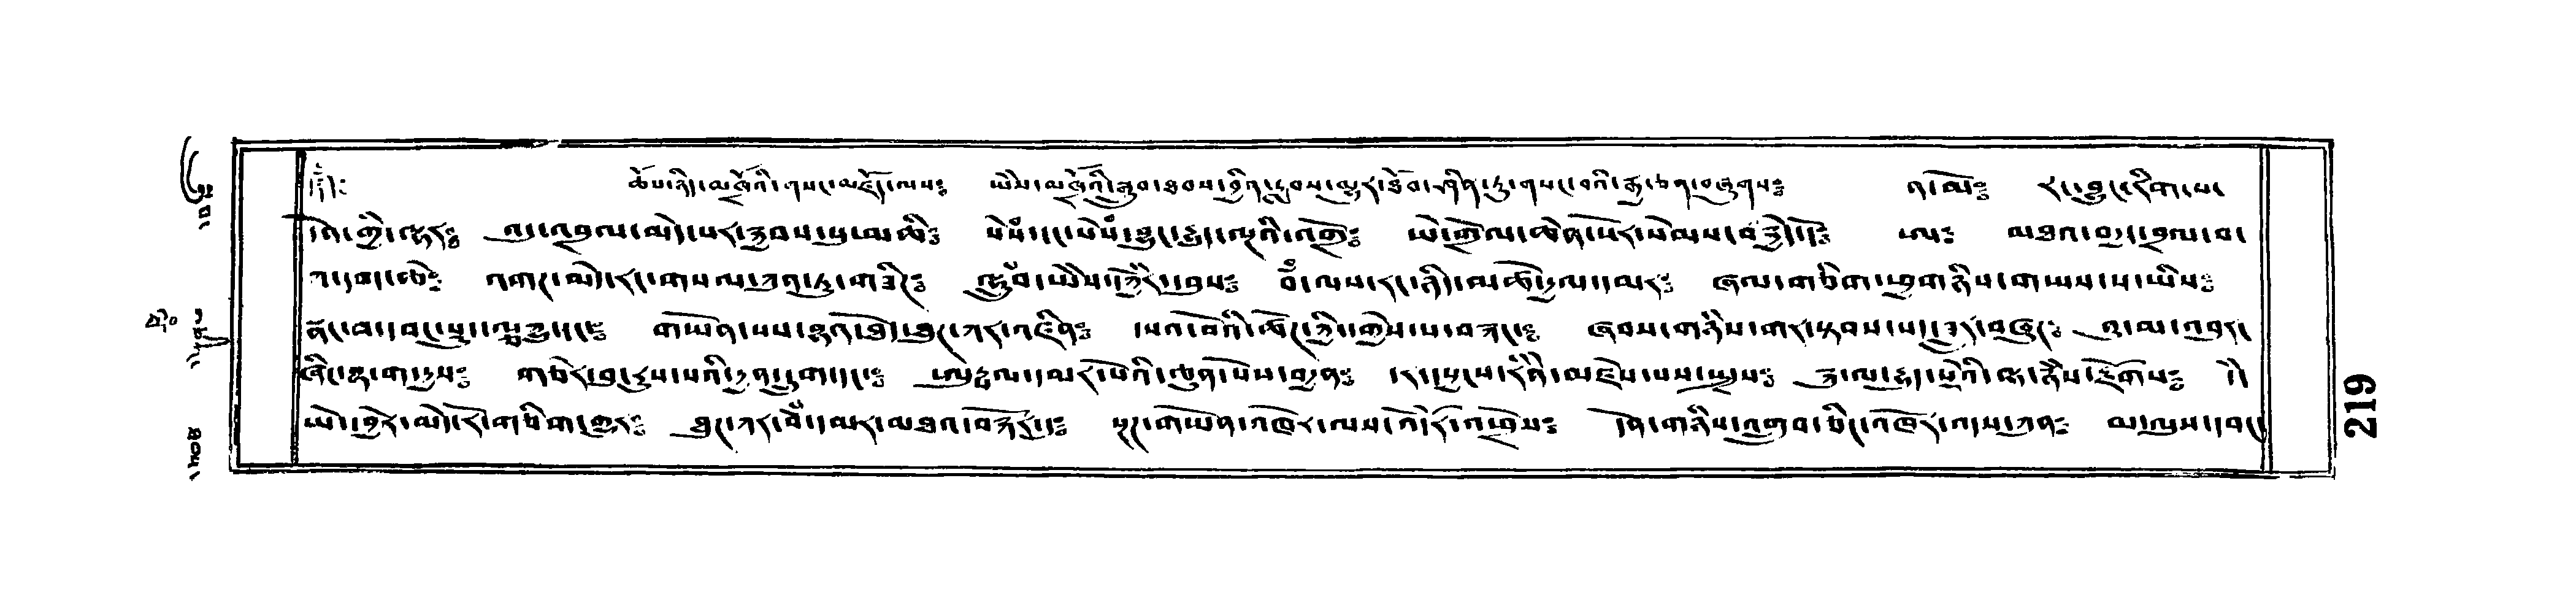ཆོས་ཉིད་མཁའ་འགྲོའི་གསང་མཛོད་ལས༔ ཡེ་ཤེས་མཁའ་འགྲོའི་སྒྲུབ་ཐབས་བྱིན་རླབས་མྱུར་ཐོབ་ཤིན་ཏུ་གསང་བའི་རྒྱ་ཅན་བཞུགས༔ ན་མོ༔ རང་བྱུང་རིག་པ་
དོན་གྱི་ལྷར༔ འདུ་འབྲལ་མེད་པར་སྐྱབས་སུ་མཆི༔ སེམས་དང་སེམས་བྱུང་རྒྱུད་ལྔའི་འགྲོ༔ ཡེ་གྲོལ་ཆེན་པོར་སེམས་བསྐྱེད་དོ༔ ཨཱཿ མཐའ་བརྒྱད་བྲལ་བ་
ཀ་དག་ཆེ༔ འགག་མེད་རང་གསལ་ཀུན་ཏུ་གཟིགས༔ ལྷུན་གྲུབ་ཡེ་ཤེས་དཀྱིལ་འཁོར་དབུས༔ བྃ་ལས་རང་ཉིད་མཚོ་རྒྱལ་དམར༔ ཞལ་གཅིག་ཕྱག་གཉིས་གཡས་པ་ཡིས༔ 
སྣང་བ་དབང་སྡུད་ལྕགས་ཀྱུ་དང༔ གཡོན་པས་བྷན་ཐོད་ཐུགས་ཀར་འཛིན༔ དཔའ་བོའི་ཚོགས་ཀྱི་དགྱེས་པ་བསྐང༔ ཞབས་གཉིས་གར་སྟབས་པད་ཟླར་བཞུགས༔ ནུ་མ་འབུར་
ཞིང་བྷ་ག་རྒྱས༔ གཅེར་བུ་རུས་པའི་རྒྱན་དྲུག་དང༔ ཨུཏྤལ་དམར་པོའི་ཆུན་པས་བརྒྱན༔ དར་དཔྱངས་རིན་ཆེན་མཛེས་པས་སྤྲས༔ སྐུ་ལ་རྒྱུད་སྡེའི་ལྷ་རྣམས་རྫོགས༔ དམ་
ཡེ་དབྱེར་མེད་རོ་གཅིག་གྱུར༔ ཐུགས་ཀར་བྃ་དམར་མཐའ་བསྐོར་དུ༔ སྔགས་གཡོན་འཁོར་ལས་འོད་ཟེར་འཕྲོས༔ དོན་གཉིས་འགྲུབ་ཅིང་འཁོར་འདས་ཀུན༔ མ་ལུས་དབང་